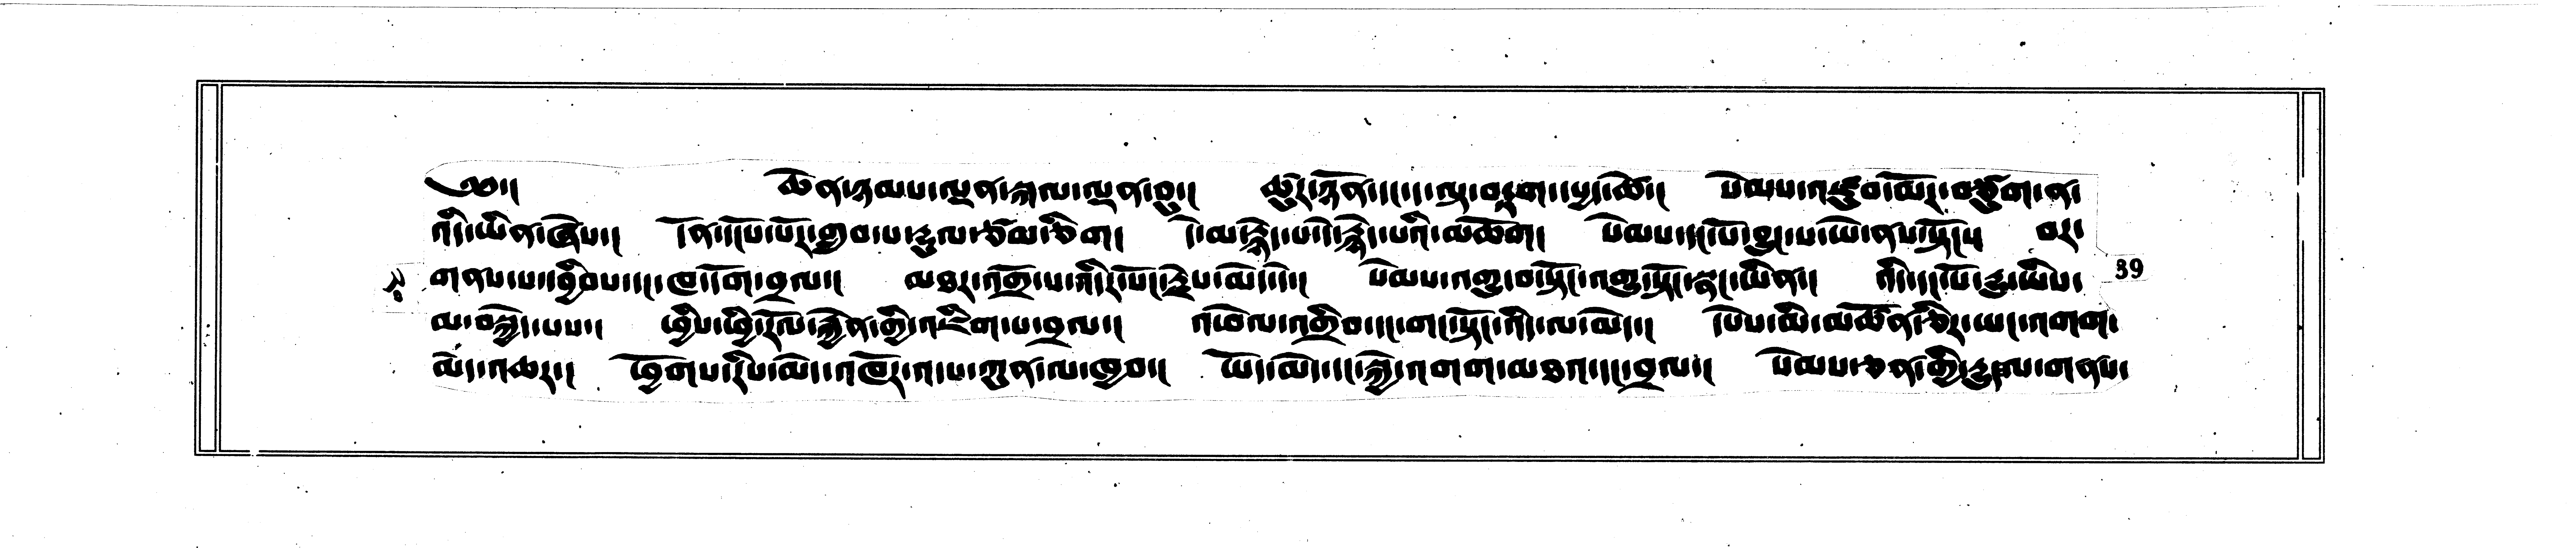ཆེན་ཉམས་ལྡན་སྐལ་ལྡན་བུ། །ཚུར་ཉོན་དང་ད་ལྟ་བརྟག་དཔྱད་ཚེ། །སེམས་མཛུབ་མོར་བཙུགས་ན་
འདི་ཡིན་ཞེས། །དོན་དངོས་པོར་གྲུབ་པ་རྡུལ་ཙམ་ཞིག །དེ་མ་རྙེད་པ་དེ་རྙེད་པའི་མཆོག །སེམས་དང་པོ་བྱུང་བ་ཡེ་ནས་སྟོང་། །བར་
གནས་པ་དབྱིབས་དང་ཁ་དོག་བྲལ། །མཐར་འགྲོ་བ་འདིར་སོང་རྗེས་མེད་དེ། །སེམས་འགྱུ་བ་སྟོང་འགྱུ་སྟོང་སྣང་ཡིན། །འདི་དང་པོ་རྒྱུ་ཡིས་
མ་བསྐྱེད་པས། །ཕྱིས་ཕྱི་རོལ་རྐྱེན་གྱི་འཇིགས་པ་བྲལ། །འཕེལ་འགྲིབ་དང་གང་སྟོང་འདི་ལ་མེད། །དཔེས་མི་མཚོན་ཅིར་ཡང་འགག་
མེད་འཆར། །ཕྱོགས་རིས་མེད་འཁོར་འདས་ཀུན་ལ་ཁྱབ། །ཡོད་མེད་དང་སྐྱེ་འགག་མཐའ་དང་བྲལ། །སེམས་ཅན་གྱི་རྒྱུད་ལ་གནས་